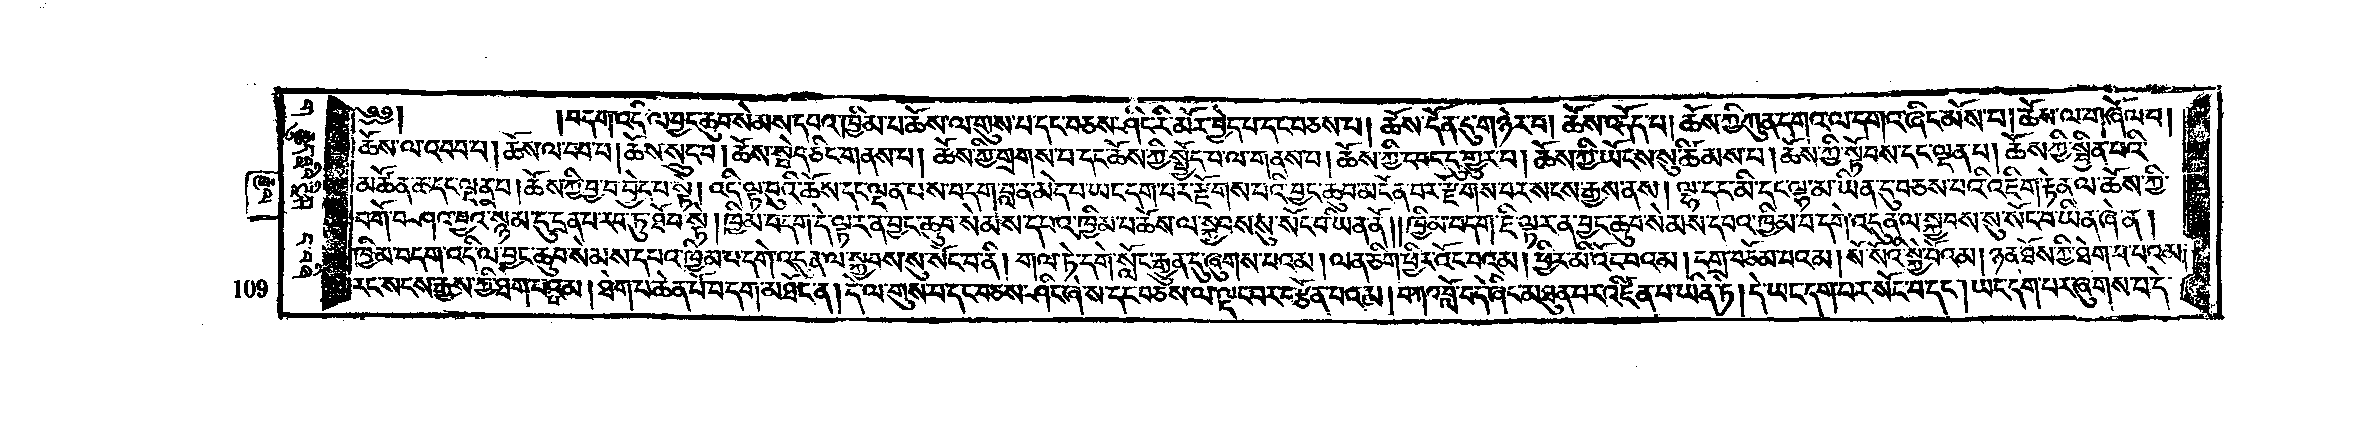༄༅། །བདག་འདི་ལ་བྱང་ཆུབ་སེམས་དཔའ་ཁྱིམ་པ་ཆོས་ལ་གུས་པ་དང་བཅས་ཤིང་རི་མོར་བྱེད་པ་དང་བཅས་པ། ཆོས་དོན་དུ་གཉེར་བ། ཆོས་འདོད་པ། ཆོས་ཀྱི་ཀུན་དགའ་ལ་དགའ་ཞིང་མོས་པ། ཆོས་ལ་གཞོལ་བ།
ཆོས་ལ་འབབ་པ། ཆོས་ལ་བབ་པ། ཆོས་སྲུང་བ། ཆོས་སྤེད་ཅིང་གནས་པ། ཆོས་ཀྱི་གྲགས་པ་དང་ཆོས་ཀྱི་སྤྱོད་པ་ལ་གནས་པ། ཆོས་ཀྱི་དབང་དུ་གྱུར་པ། ཆོས་ཀྱི་ཡོངས་སུ་ཚིམས་པ། ཆོས་ཀྱི་སྟོབས་དང་ལྡན་པ། ཆོས་ཀྱི་སྦྱིན་པའི་
མཚོན་ཆ་དང་ལྡན་པ། ཆོས་ཀྱི་བྱ་བ་བྱེད་པ་སྟེ། འདི་ལྟ་བུའི་ཆོས་དང་ལྡན་པས་བདག་བླ་ན་མེད་པ་ཡང་དག་པར་རྫོགས་པའི་བྱང་ཆུབ་མངོན་པར་རྫོགས་པར་སངས་རྒྱས་ནས། ལྷ་དང་མི་དང་ལྷ་མ་ཡིན་དུ་བཅས་པའི་འཇིག་རྟེན་ལ་ཆོས་ཀྱི་
བགོ་བཤའ?་བྱའི་སྙམ་དུ་དྲན་པ་རབ་ཏུ་ཐོབ་སྟེ། ཁྱིམ་བདག་དེ་ལྟར་ན་བྱང་ཆུབ་སེམས་དཔའ་ཁྱིམ་པ་ཆོས་ལ་སྐྱབས་སུ་སོང་བ་ཡིན་ནོ། །ཁྱིམ་བདག་ཇི་ལྟར་ན་བྱང་ཆུབ་སེམས་དཔའ་ཁྱིམ་པ་དགེ་འདུན་ལ་སྐྱབས་སུ་སོང་བ་ཡིན་ཞེ་ན།
ཁྱིམ་བདག་འདི་ལ་བྱང་ཆུབ་སེམས་དཔའ་ཁྱིམ་པ་དགེ་འདུན་ལ་སྐྱབས་སུ་སོང་བ་ནི། གལ་ཏེ་དགེ་སློང་རྒྱུན་དུ་ཞུགས་པའམ། ལན་ཅིག་ཕྱིར་འོང་བའམ། ཕྱིར་མི་འོང་བའམ། དགྲ་བཅོམ་པའམ། སོ་སོའི་སྐྱེ་བོའམ། ཉན་ཐོས་ཀྱི་ཐེག་པ་བའམ།
རང་སངས་རྒྱས་ཀྱི་ཐེག་པ་བའམ། ཐེག་པ་ཆེན་པོ་བདག་མཐོང་ན། དེ་ལ་གུས་པ་དང་བཅས་ཤིང་ཞེ་ས་དང་བཅས་ལ་ལྡང་བར་བརྩོན་པའམ། བཀའ་བློ་བདེ་ཞིང་མཐུན་པར་འཛིན་པ་ཡིན་ཏེ། དེ་ཡང་དག་པར་སོང་བ་དང་། ཡང་དག་པར་ཞུགས་པ་དེ་